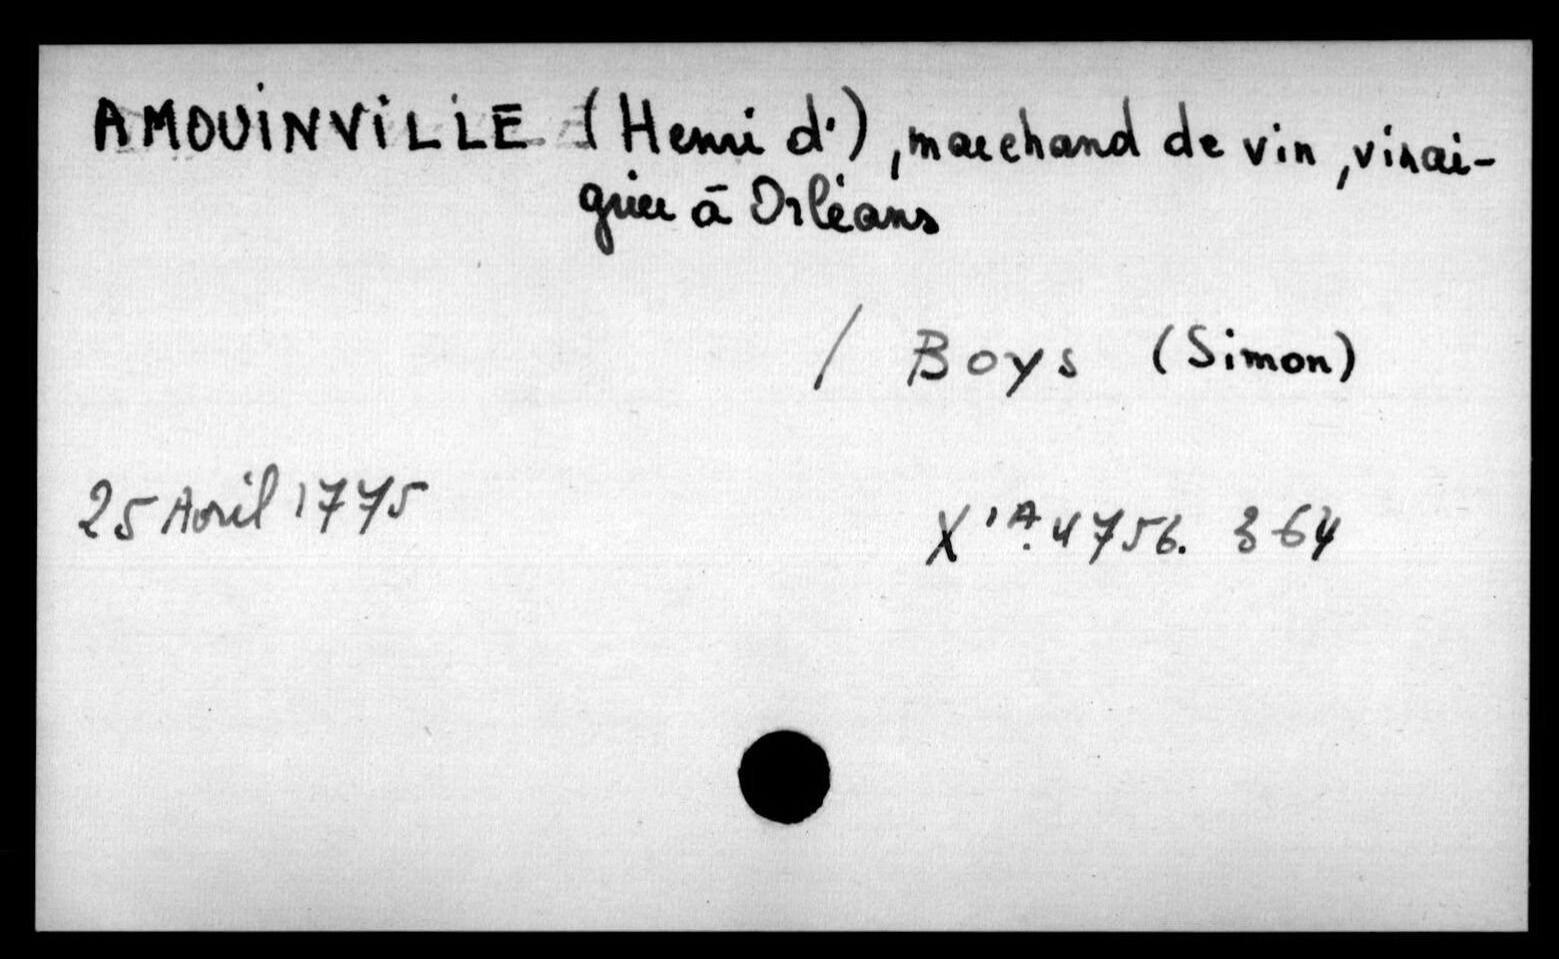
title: AMOUINVILLE (Henri d'), marchand de vin, vinaigrier à Orléans
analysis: Contre Boys (Simon)
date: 25 avril 1775
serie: X1A
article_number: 4756
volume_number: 364
